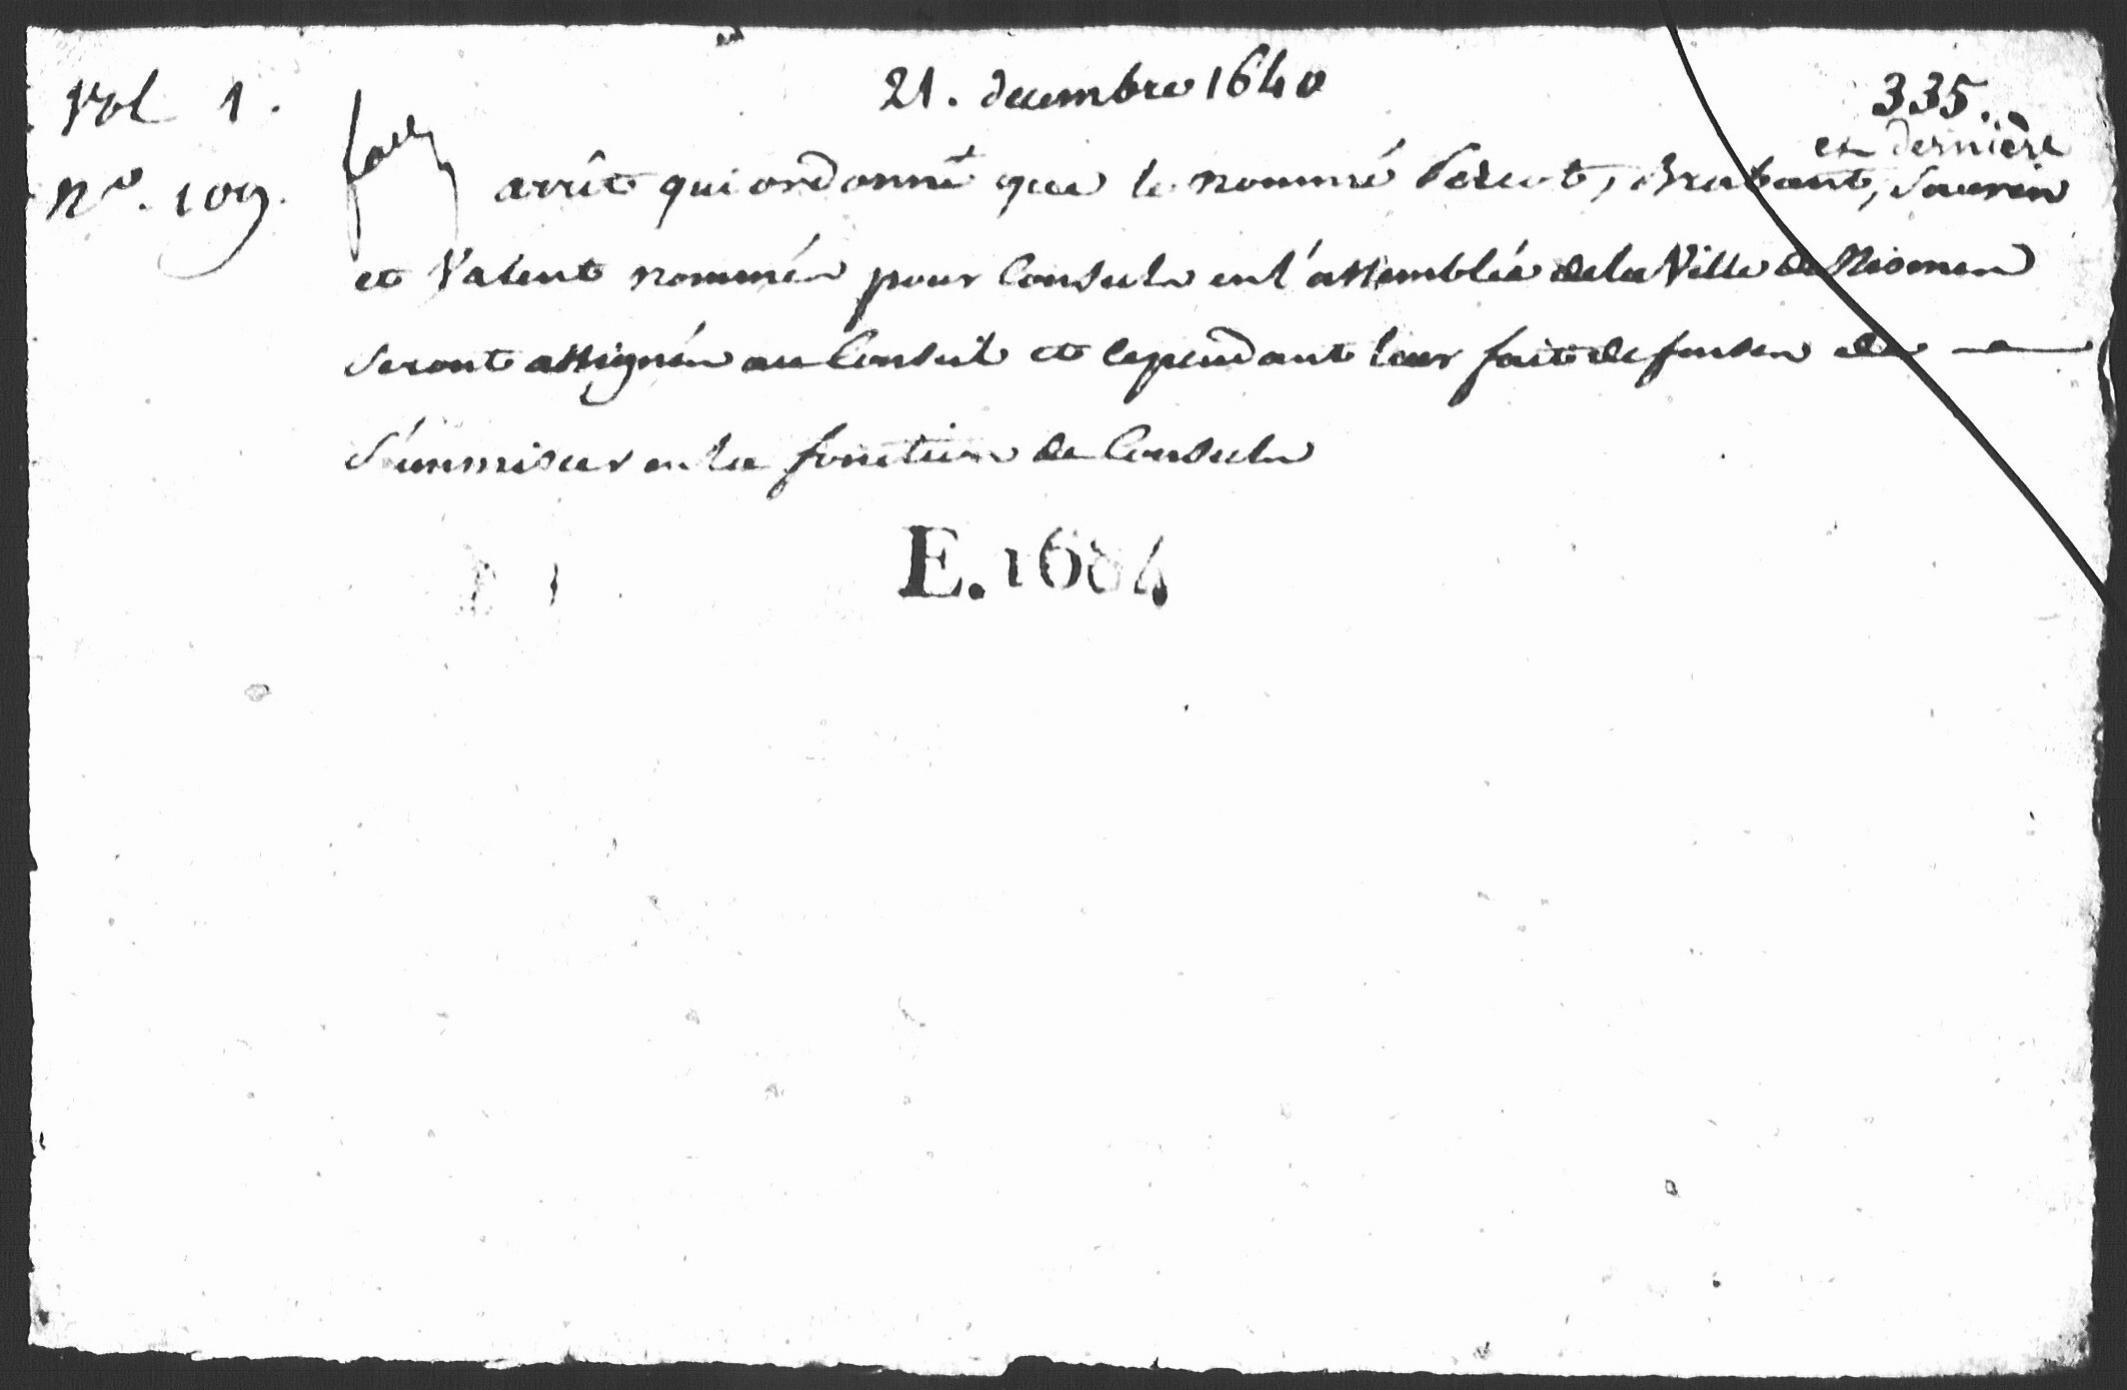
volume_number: n°109
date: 21 décembre 1640
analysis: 335 et dernière fait
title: arrêt qui ordonne que le nommé Percot, Brabant, Saurin et Valent nommés pour consuls en l'assemblée de la ville de Nismes seront assignés au Conseil et cependant leur fait défenses de s'immiscer en la fonction de consuls
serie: E
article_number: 1684
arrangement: vol 1.
